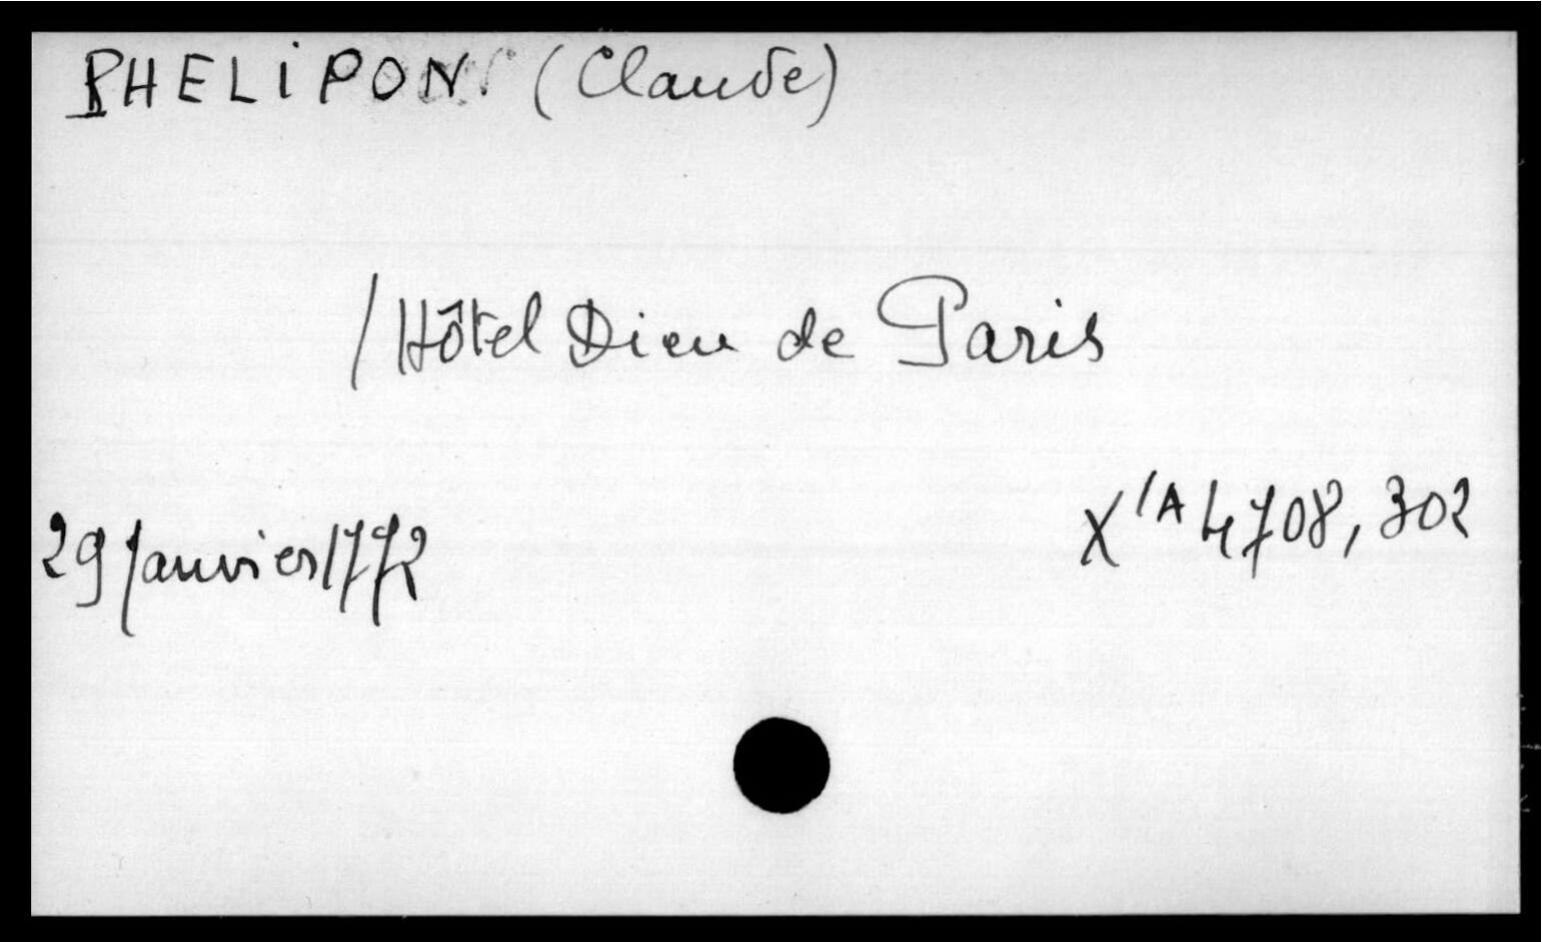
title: PHELIPON (Clauve)
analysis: Contre Hôtel Dieu de Paris
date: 29 janvier 1772
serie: X1A
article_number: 4708
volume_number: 302
